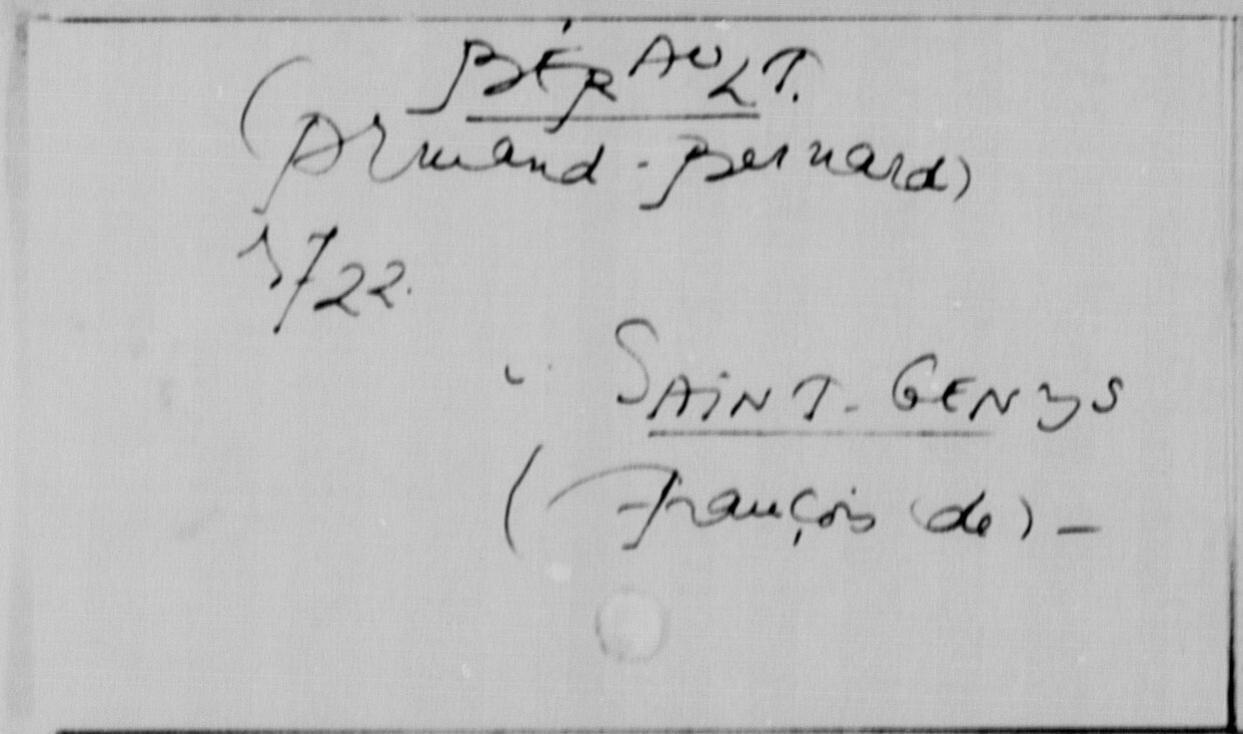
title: BÉRAULT (Armand-Bernard)
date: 1722
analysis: Voir : SAINT-GENYS (François de)
